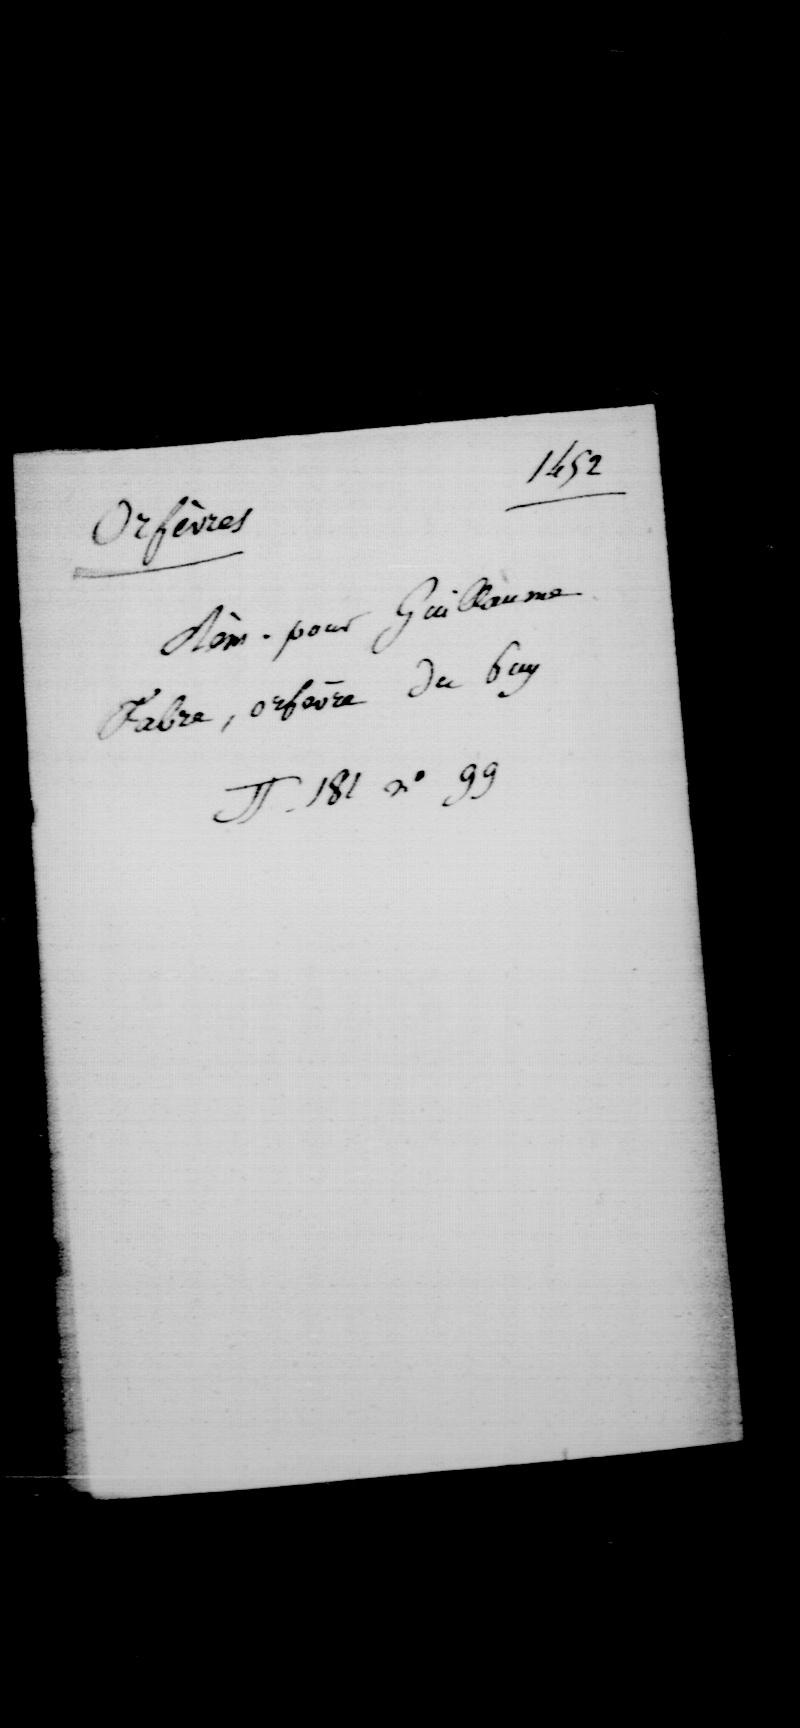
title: Orfèvres
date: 1452
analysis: Rémission pour Guillaume Fabre, orfèvre du Puy
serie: JJ
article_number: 181
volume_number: n° 99
